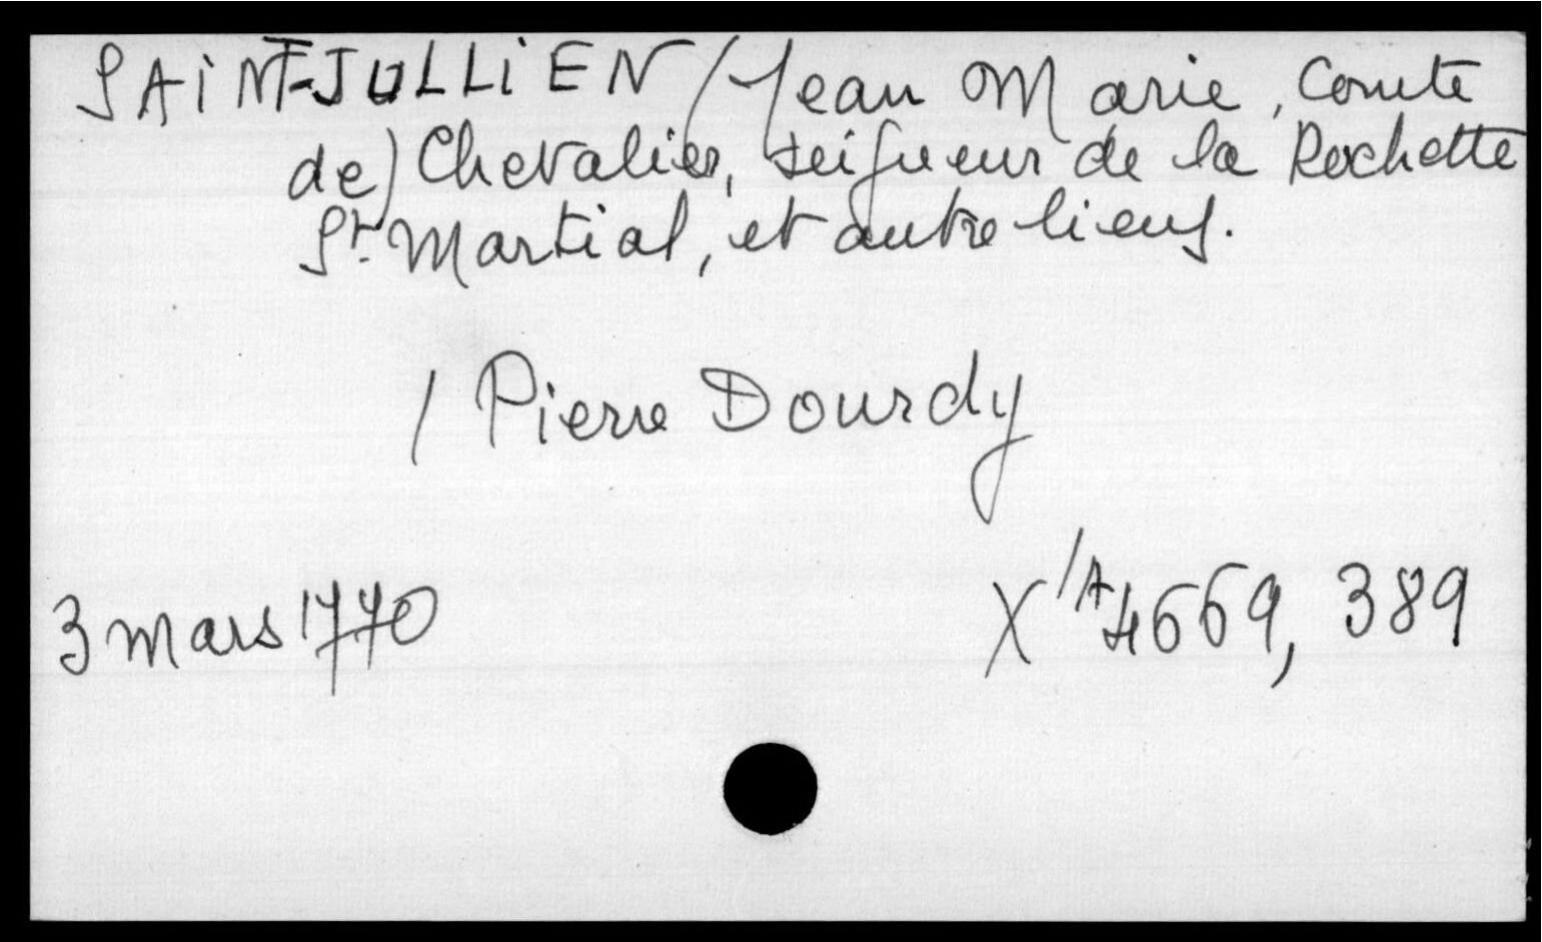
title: SAINT-JULLIEN (Jean Marie, comte de) Chevalier, seigneur de la Rochette Saint-Martial, et autre lieux.
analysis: Contre Pierre Dourdy
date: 3 mars 1770
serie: X1A
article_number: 4669
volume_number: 389
